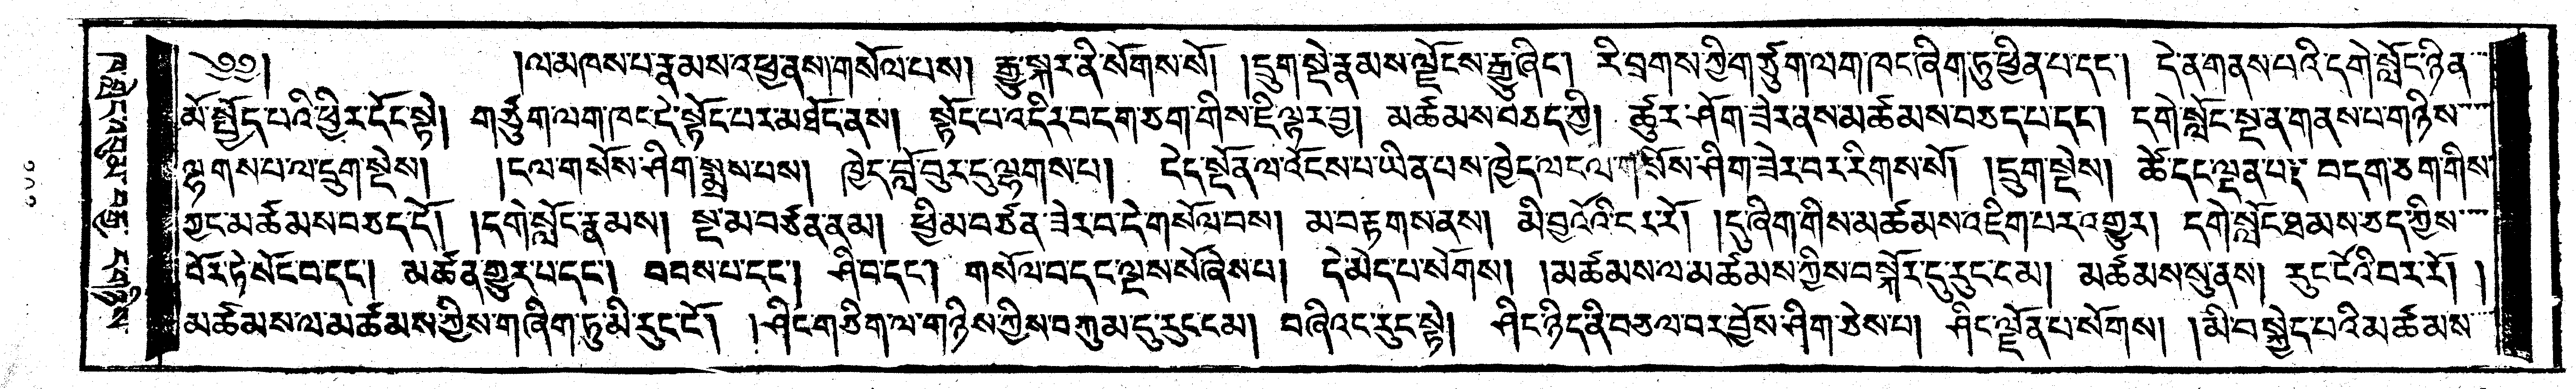༄༅། །ལ་མཁས་པ་རྣམས་འཕྱ་ནས། གསོལ་པས། རྒྱུ་སྐར་ནི་སོགས་སོ། །དྲུག་སྡེ་རྣམས་ལྗོངས་རྒྱུ་ཞིང་། རི་བྲགས་ཀྱི་གཙུག་ལག་ཁང་ཞིག་ཏུ་ཕྱིན་པ་དང་། དེ་ན་གནས་པའི་དགེ་སློང་ཉིན་
མོ་སྤྱོད་པའི་ཕྱིར་དོང་སྟེ། གཙུག་ལག་ཁང་དེ་སྟོང་པར་མཐོང་ནས། སྟོང་པ་འདིར་བདག་ཅག་གིས་ཇི་ལྟར་བྱ། མཚམས་བཅད་ཀྱི། ཚུར་ཤོག་ཟེར་ནས་མཚམས་བཅད་པ་དང་། དགེ་སློང་སྔ་ན་གནས་པ་གཉིས་
ལྷགས་པ་ལ་དྲུག་སྡེས། །ངལ་གསོས་ཤིག་སྨྲས་པས། ཁྱེད་བློ་བུར་དུ་ལྷགས་པ། ངེད་སྔོན་ལ་འོངས་པ་ཡིན་པས་ཁྱེད་ལ་ངལ་གསོས་ཤིག་ཟེར་བར་རིགས་སོ། །དྲུག་སྡེས། ཚེ་དང་ལྡན་པ༑ བདག་ཅག་གིས་
ཀྱང་མཚམས་བཅད་དོ། །དགེ་སློང་རྣམས། སྔ་མ་བཙན་ནམ། ཕྱི་མ་བཙན་ཟེར་བ་དེ་གསོལ་བས། མ་བརྟགས་ནས། མི་བྱའོའི་ངར་རོ། །དུ་ཞིག་གིས་མཚམས་འཇིག་པར་འགྱུར། དགེ་སློང་ཐམས་ཅད་ཀྱིས་
བོར་ཏེ་སོང་བ་དང་། མཚན་གྱུར་པ་དང་། བབས་པ་དང་། ཤི་བ་དང་། གསོལ་བ་དང་ལྔས་སོ་ཞེས་པ། དེ་མེད་པ་སོགས། །མཚམས་ལ་མཚམས་ཀྱིས་བསྐོར་དུ་རུང་ངམ། མཚམས་སུ་ནས། རུང་ངོའི་བར་རོ། །
མཚམས་ལ་མཚམས་ཀྱིས་གཞིག་ཏུ་མི་རུང་ངོ། །ཤིང་གཅིག་ལ་གཉིས་ཀྱིས་བཀུམ་དུ་རུང་ངམ། བཞིའང་རུང་སྟེ། ཤིང་ཉིད་ནི་བཅལ་བར་བྱོས་ཤིག་ཅེས་པ། ཤིང་ལྗོན་པ་སོགས། །མི་བསྐྱེད་པའི་མཚམས་